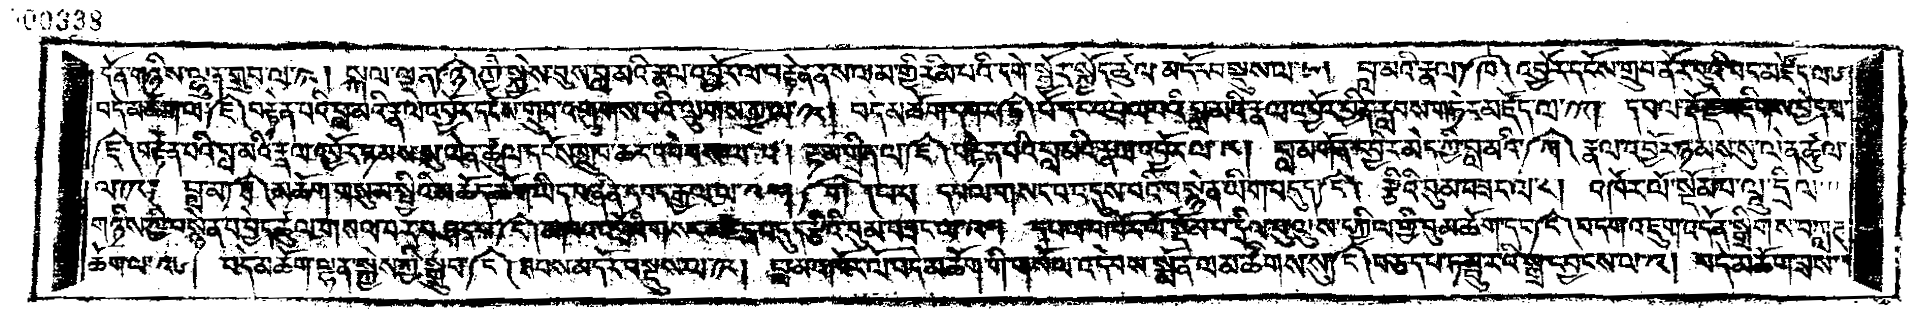དོན་གཉིས་ལྷུན་གྲུབ་ལ ༣། སྐལ་ལྡན ༼ཉ༽ ཀྱི་སྐྱེས་བུས་བླ་མའི་རྣལ་འབྱོར་ལ་བརྟེན་ནས་ལམ་གྱི་རིམ་པའི་དགེ་སྦྱོར་སྐྱོད་ཚུལ་མདོར་བསྡུས་ལ ༦། བླ་མའི་རྣལ ༼ཁ༽ འབྱོར་དངོས་གྲུབ་ནོར་བུའི་བད་མཛོད་ལ ༦
བདེ་མཆོག་ལ ༼ཇ༽ བརྟེན་པའི་བླ་མའི་རྣལ་འབྱོར་དངོས་གྲུབ་འགུགས་པའི་ལྕགས་ཀྱུ་ལ ༣། བདེ་མཆོག་དཀར ༼ཏ༽ པོ་དང་འབྲེལ་བའི་བླ་མའི་རྣལ་འབྱོར་བྱིན་རླབས་གཏེར་མཛོད་ལ ༣། དཔལ་རྡོ་རྗེ་འཇིགས་བྱེད་ལ་
༼ཇ༽ བརྟེན་པའི་བླ་མའི་རྣལ་འབྱོར་ཉམས་སུ་ལེན་ཚུལ་དངོས་གྲུབ་ཆར་འབེབས་ལ ༥། རྟ་མགྲིན་ལ ༼ཇ༽ བརྟེན་པའི་བླ་མའི་རྣལ་འབྱོར་ལ ༢། བླ་མགོན་དབྱེར་མེད་ཀྱི་བླ་མའི ༼ཀ༽ རྣལ་འབྱོར་ཉམས་སུ་ལེན་ཚུལ་
ལ ༡༢༑ བླ་མ ༼ཐ༽ མཆོག་གསུམ་སྤྱིའི་མཆོག་ཆོག་ཡིད་བཞིན་དབང་རྒྱལ་ལ ༢༤། ༼ག༽ པར། དཔལ་གསང་བ་འདུས་པའི་བསྙེན་ཡིག་བདུད ༼ང༽ རྩིའི་བུམ་བཟང་ལ ༨། འཁོར་ལོ་སྡོམ་པ་ལཱུ་དྲིལ་
གཉིས་ཀྱི་བསྙེན་པ་བྱེད་ཚུལ་གསལ་བར་བཤད་པ ༼ང༽ མཁའ་འགྲོའི་གསང་མཛོད་བདུད་རྩིའི་བུམ་བཟང་ལ ༢༠། དཔལ་འཁོར་ལོ་སྡོམ་པ་དྲིལ་བུ་ལུས་དཀྱིལ་གྱི་བུམ་ཆོག་དང ༼ང༽ བདག་འཇུག་འདོན་སྒྲིགས་བཀཊ་
ཆོག་ལ ༢༦། བདེ་མཆོག་ལྷན་སྐྱེས་ཀྱི་སྒྲུབ ༼ང༽ ཐབས་མདོར་བསྡུས་ལ ༣། བླ་མ་འཁོར་ལོ་བདེ་མཆོག་གི་གསོལ་འདེབས་སྨོན་ལམ་ཚིགས་སུ ༼ང༽ བཅད་པ་ཏམྦུ་རའི་སྒྲ་དབྱངས་ལ ༢། བདེ་མཆོག་ཟས་